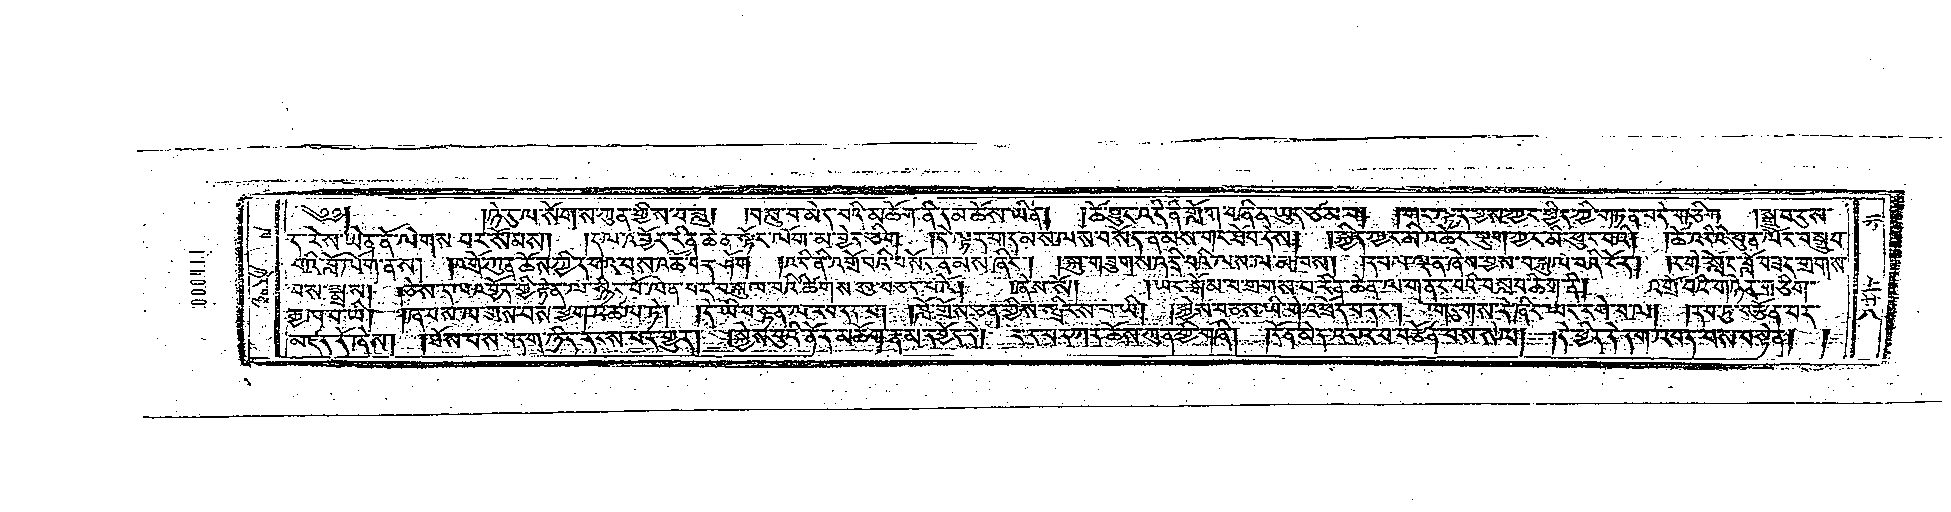༄༅། །ཉེ་དུ་ལ་སོགས་ཀུན་གྱིས་བསླུ། །བསླུ་བ་མེད་པའི་མཆོག་ནི་དམ་ཆོས་ཡིན། །ཚེ་ཐུང་འདི་ནི་གློག་བཞིན་ཡུད་ཙམ་བ། །གང་ལྟར་བྱས་ཀྱང་ཕྱིར་ཀྱི་གཏན་བདེ་གཅིག །སྒྲུབ་དུས་
ད་རེས་ཡིན་ནོ་ལེགས་པར་སོམས། །དལ་འབྱོར་རིན་ཆེན་སྟོང་ལོག་མ་བྱེད་ཅིག །དེ་ལྟར་གདམས་ལས་བསོད་ནམས་གང་ཐོབ་དེས། །སྐྱིད་ཀྱང་མི་འཚེར་སྡུག་ཀྱང་མི་ཕུང་བའི། །ཚེ་འདིའི་བུན་ལོང་བསྒྲུབ་
བའི་བློ་ལོག་ནས། །འགྲོ་ཀུན་ཆོས་ཀྱི་དགའ་བས་འཚོ་བར་ཤོག །འདི་ནི་འགྲོ་བའི་བསོད་ནམས་ཞིང་། །སྐུ་གཟུགས་འདྲི་བའི་ལས་ལ་མཁས། །དཔལ་ལྡན་ཞེས་བྱས་བསྐུལ་བའི་ངོར། །དགེ་སློང་བློ་བཟང་གྲགས་
བས་སྨྲས། །ཅེས་དལ་འབྱོར་གྱི་རྟེན་ལ་སྙིང་པོ་ལེན་པར་བསྐུལ་བའི་ཚིགས་སུ་བཅད་པའོ། །ཞེས་སོ། །ཡང་སྒོམ་པ་གྲགས་པ་རིན་ཆེན་ལ་གནང་བའི་བསླབ་ཚིག་ནི། འགྲོ་བའི་གཉེན་གཅིག་
རྒྱལ་བ་ཡི། །ཞབས་ལ་གུས་པས་ཕྱག་འཚལ་ཏེ། །དེ་ཡི་བསྟན་ལ་རབ་དད་པ། །བློ་གྲོས་ཅན་གྱིས་སྤྲིངས་པ་ཡི། །སྐྱེས་བཅས་ཡི་གེ་འཕྲོད་པ་དང་། །གདུགས་རེ་ཞིང་ཡང་དགེ་བ་ལ། །རབ་ཏུ་བརྩོན་པར་
མཛད་དོ་ཞེས། །ཐོས་པས་བདག་ཉིད་རངས་པར་གྱུར། །སྐྱེས་བུའི་ནོར་མཆོག་རྣམ་དབྱོར་དེ། དད་པ་དཀར་ཆོས་ཀུན་གྱི་གཞི། །དོན་མེད་འདའ་བ་བརྩོན་པས་སེལ། །དེ་ཕྱིར་དེ་དག་འབད་བས་བསྟེན། །